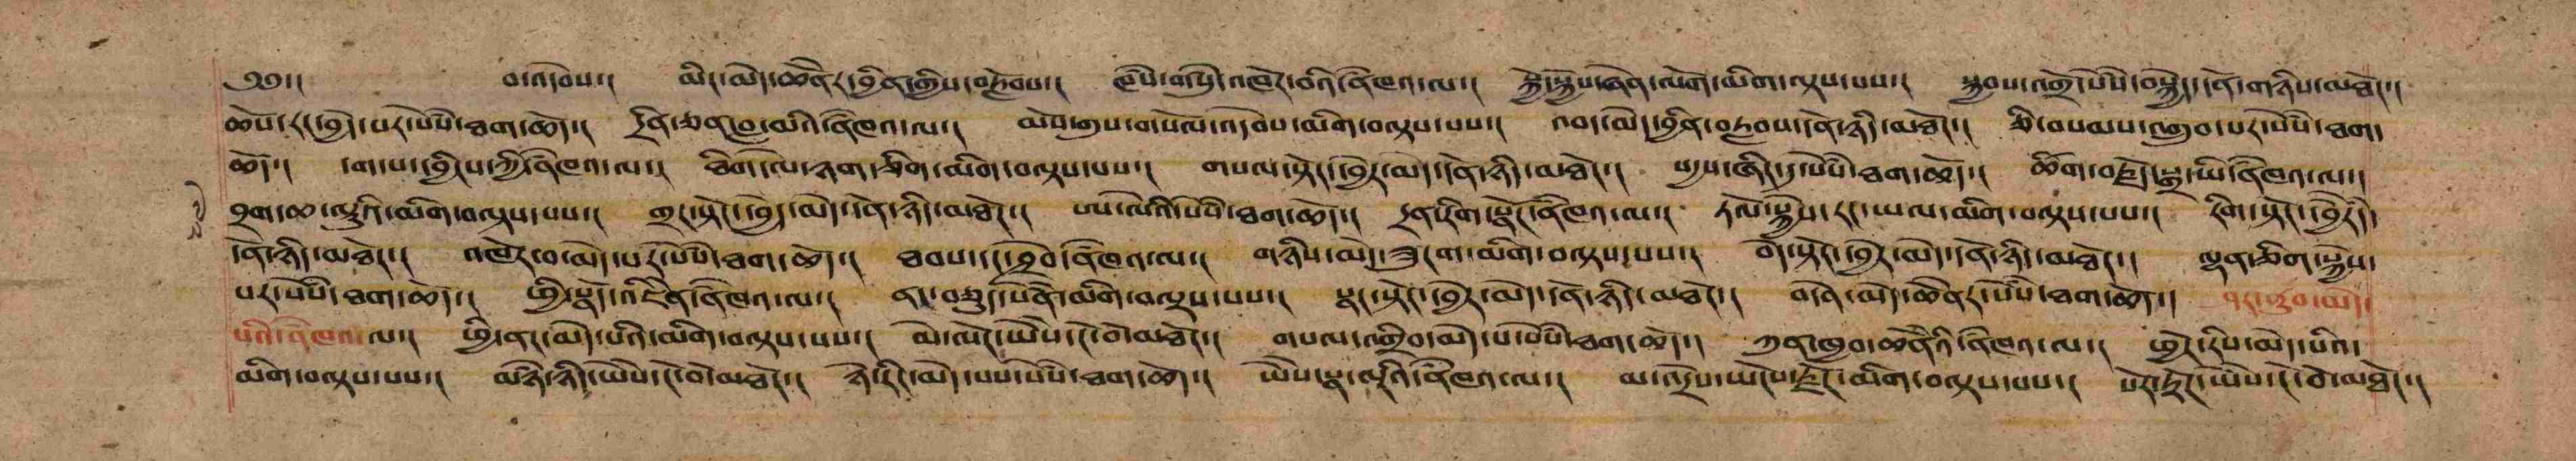༄༅།། བ་འདེབས།། མིང་མེད་ཆེན་པོར་བྱིན་གྱིས་རློབས།། ཁམས་གསུམ་འཁོར་བའི་ནམ་མཁའ་ལ།། སྐྱོ་སྐྱེས་ཞེན་ལོག་མིག་བལྟས་པས།། སྐྱབས་འགྲོ་སེམས་བསྐྱེད་དོན་གཉིས་མཐོང་།། 
ཆོས་རང་བྱེད་པར་སེམས་ཐག་ཆོད།། དྲིན་ཅན་བླ་མའི་ནམ་མཁའ་ལ།། མོས་གུས་གསོལ་འདེབས་མིག་བལྟས་པས།། འབད་མེད་བྱིན་རླབས་དོན་ཉིད་དོན་ཉིད་མཐོང་།། ཅི་བསམ་འགྲུབ་པར་སེམས་ཐག་
ཆོད།། དག་པ་དབྱིངས་ཀྱི་ནམ་མཁའ་ལ།། ཐིག་ལེ་ཉག་ཅིག་མིག་བལྟས་པས།། གསལ་སྟོང་དབྱེར་མེད་དོན་ཉིད་མཐོང་།། སངས་རྒྱས་ཞིང་དུ་སེམས་ཐག་ཆོད།། ཚིག་བརྗོད་སྒྲ་ཡི་ནམ་མཁའ་ལ།། 
བྲག་ཆ་ལྟ་བུའི་མིག་བལྟས་པས།། གྲགས་སྟོང་དབྱེར་མེད་དོན་ཉིད་མཐོང་།། ཨ་ལེའི་སེམས་ཐག་ཆོད།། དྲན་རིག་སྣ་ཚོགས་ནམ་མཁའ་ལ།། ཏོལ་སྐྱེས་རང་ཡལ་མིག་བལྟས་པས།། རིག་སྟོང་དབྱེར་མེད་
དོན་ཉིད་མཐོང་།། འཁོར་བ་མེད་པར་སེམས་ཐག་ཆོད།། ཐབས་དང་ཤེས་རབ་ནམ་མཁའ་ལ།། གཉིས་མེད་ཟུང་འཇུག་མིག་བལྟས་པས།། བདེ་སྟོང་དབྱེར་མེད་དོན་ཉིད་མཐོང་།། ལྷན་ཅིག་སྐྱེས་
པར་སེམས་ཐག་ཆོད།། ཕྱི་སྣོད་འཇིག་རྟེན་ནམ་མཁའ་ལ།། ནང་བཅུད་སེམས་ཅན་མིག་བལྟས་པས།། སྣང་སྟོང་དབྱེར་མེད་དོན་ཉིད་མཐོང་།། བདེན་མེད་ཆེན་པོར་སེམས་ཐག་ཆོད།། ཤར་ནུབ་མེད་
པའི་ནམ་མཁའ་ལ།། ཕྱི་ནང་མེད་པའི་མིག་བལྟས་པས།། མེ་ལོང་ཡེ་ཤེས་ངོ་བོ་མཐོང་།། གསལ་འགྲིབ་མེད་པའི་སེམས་ཐག་ཆོད།། ཀུན་ཁྱབ་ཆེན་པོའི་ནམ་མཁའ་ལ།། ཕྱོགས་རིས་མེད་པའི་
མིག་བལྟས་པས།། མཉམ་ཉིད་ཡེ་ཤེས་ངོ་བོ་མཐོང་།། ཉེ་རིང་མེད་པས་སེམས་ཐག་ཆོད།། ཡེ་ཤེས་སྣ་ལྔའི་ནམ་མཁའ་ལ།། མ་འདྲེས་ཡོངས་རྫོགས་མིག་བལྟས་པས།། སོར་རྟོགས་ཡེ་ཤེས་ངོ་བོ་མཐོང་།།